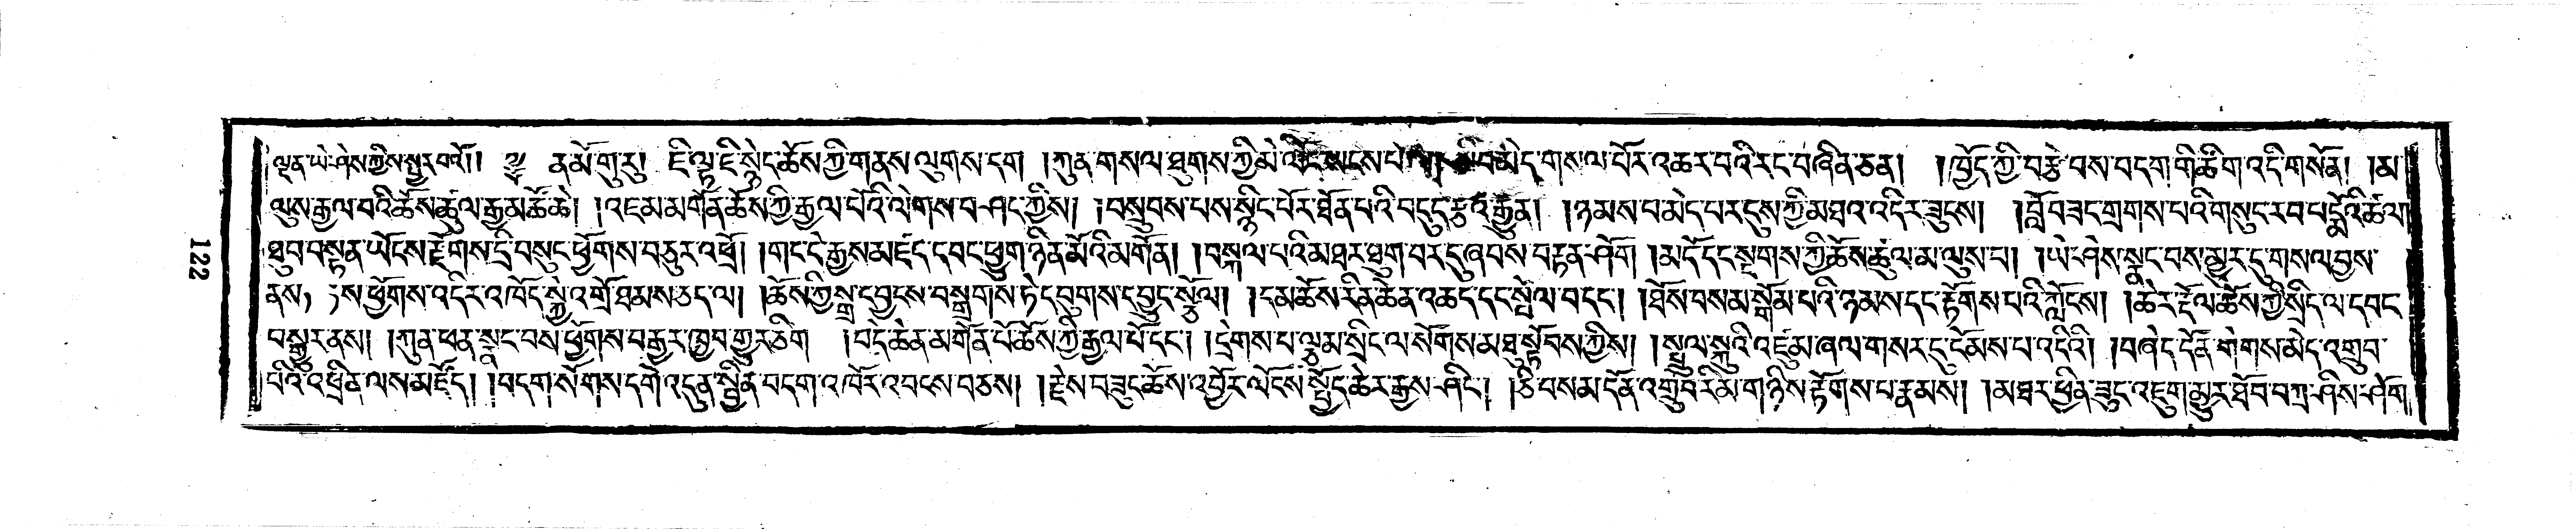ལྡན་ཡེ་ཤེས་ཀྱིས་སྤྱར་བའོ།། ༈ ན་མོ་གུ་རུ། ཇི་ལྟ་ཇི་སྙེད་ཆོས་ཀྱི་གནས་ལུགས་དག །ཀུན་གསལ་ཐུགས་ཀྱི་མེ་ལོང་ཡངས་པ་ལ། སྒྲིབ་མེད་གསལ་པོར་འཆར་བའི་རང་བཞིན་ཅན། །ཁྱོད་ཀྱི་བརྩེ་བས་བདག་གི་ཚིག་འདི་གསོན། །མ་
ལུས་རྒྱལ་བའི་ཆོས་ཚུལ་རྒྱ་མཚོ་ཆེ། །འཇམ་མགོན་ཆོས་ཀྱི་རྒྱལ་པོའི་ལེགས་བཤད་ཀྱིས། །བསྲུབས་པས་སྙིང་པོར་ཐོན་པའི་བདུད་རྩིའི་རྒྱུན། །ཉམས་པ་མེད་པར་དུས་ཀྱི་མཐའ་འདིར་ཟུངས། །བློ་བཟང་གྲགས་པའི་གསུང་རབ་པདམོའི་ཚལ་
ཐུབ་བསྟན་ཡོངས་རྫོགས་དྲི་བསུང་ཕྱོགས་བཅུར་འཕྲོ། །གང་དེ་རྒྱས་མཛད་དབང་ཕྱུག་ཉིན་མོའི་མགོན། །བསྐལ་པའི་མཐར་ཐུག་བར་དུ་ཞབས་བརྟན་ཤོག །མདོ་དང་སྔགས་ཀྱི་ཆོས་ཚུལ་མ་ལུས་པ། །ཡེ་ཤེས་སྣང་བས་མྱུར་དུ་གསལ་བྱས་
ནས༑ ༑ས་ཕྱོགས་འདིར་འཁོད་སྐྱེ་འགྲོ་ཐམས་ཅད་ལ། །ཆོས་ཀྱི་སྒྲ་དབྱངས་བསྒྲགས་ཏེ་དབུགས་དབྱུང་སྩོལ། །དམ་ཆོས་རིན་ཆེན་འཆད་དང་སྤེལ་བ་དང་། །ཐོས་བསམ་སྒོམ་པའི་ཉམས་དང་རྟོགས་པའི་ཀློངས། །ཆེར་རྡོལ་ཆོས་ཀྱི་སྲིད་ལ་དབང་
བསྒྱུར་ནས། །ཀུན་ཕན་སྣང་བས་ཕྱོགས་བརྒྱར་ཁྱབ་གྱུར་ཅིག །བདེ་ཆེན་མགོན་པོ་ཆོས་ཀྱི་རྒྱལ་པོ་དང་། །དྲེགས་པ་ལྕམ་སྲིང་ལ་སོགས་མཐུ་སྟོབས་ཀྱིས། །སྤྲུལ་སྐུའི་འཛུམ་ཞལ་གསར་དུ་ངོམས་པ་འདིའི། །བཞེད་དོན་གེགས་མེད་འགྲུབ་
པའི་འཕྲིན་ལས་མཛོད། །བདག་སོགས་དགེ་འདུན་སྦྱིན་བདག་འཁོར་འབངས་བཅས། །རྗེས་བཟུང་ཆོས་འབྱོར་ལོངས་སྤྱོད་ཆེར་རྒྱས་ཤིང་། །ཅི་བསམ་དོན་འགྲུབ་རིམ་གཉིས་རྟོགས་པ་རྣམས། །མཐར་ཕྱིན་ཟུང་འཇུག་མྱུར་ཐོབ་བཀྲ་ཤིས་ཤོག།